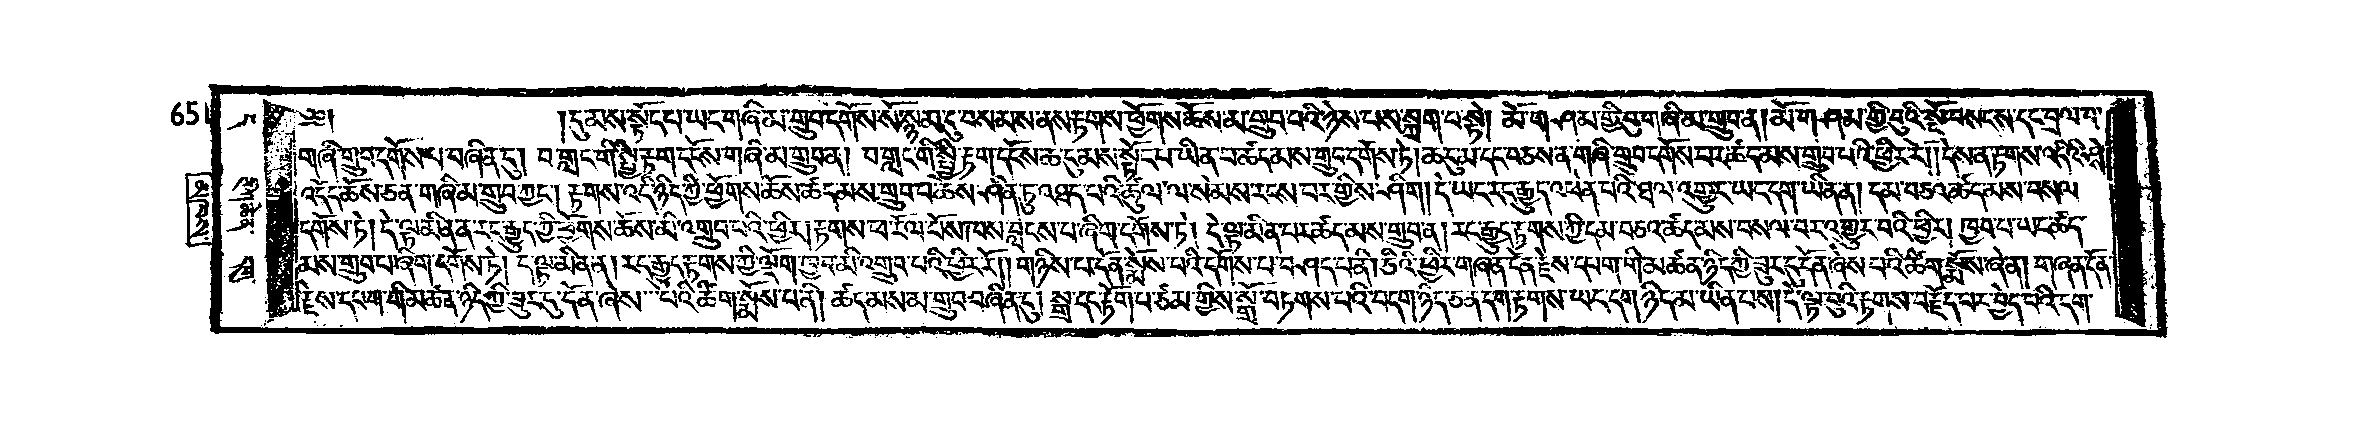༄༅། །དུ་མས་སྟོང་བ་ཡང་གཞི་མ་གྲུབ་དགོས་སོ་སྙམ་དུ་བསམས་ནས་རྟགས་ཕྱོགས་ཆོས་མ་གྲུབ་པའི་ཉེས་པས་སྐྲག་པ་སྟེ། མོ་གཤམ་གྱི་བུ་གཞི་མ་གྲུབ་ན། མོ་གཤམ་གྱི་བུའི་སྡོ་བསངས་དང་བྲལ་བ་
གཞི་གྲུབ་དགོས་པ་བཞིན་དུ། བ་གླང་གི་སྤྱི་རྟག་དངོས་གཞི་མ་གྲུབ་ན། བ་གླང་གི་སྤྱི་རྟག་དངོས་ཆ་དུ་མས་སྟོང་བ་ཡིན་པ་ཚད་མས་གྲུབ་དགོས་ཏེ། ཆ་དུ་མ་དང་བཅས་ན་གཞི་གྲུབ་དགོས་པར་ཚད་མས་གྲུབ་པའི་ཕྱིར་རོ། །དེས་ན་རྟགས་འདིའི་ཤེས་འདོད་ཆོས་ཅན་གཞི་མ་གྲུབ་ཀྱང་། རྟགས་འདི་ཉིད་ཀྱི་ཕྱོགས་ཆོས་ཚད་མས་གྲུབ་པ་ཆེས་ཤིན་ཏུ་འཐད་པའི་ཚུལ་ལ་སེམས་རངས་པར་གྱིས་ཤིག །དེ་ཡང་རང་རྒྱུད་འཕེན་པའི་ཐལ་འགྱུར་ཡང་དག་ཡིན་ན། དམ་བཅའ་ཚད་མས་བསལ་
དགོས་ཏེ། དེ་ལྟ་མིན་ན་རང་རྒྱུད་ཀྱི་ཕྱོགས་ཆོས་མི་འགྲུབ་པའི་ཕྱིར། རྟགས་ཕ་རོལ་བོས་ཁས་བླངས་པ་ཞིག་དགོས་ཏེ། དེ་ལྟ་མིན་པར་ཚད་མས་གྲུབ་ན། རང་རྒྱུད་རྟགས་ཀྱི་དམ་བཅའ་ཚད་མས་བསལ་བར་འགྱུར་བའི་ཕྱིར། ཁྱབ་པ་ཡང་ཚད་
མས་གྲུབ་པ་ཞིག་དགོས་ཏེ། ད་ལྟ་མིན་ན། རང་རྒྱུད་རྟགས་ཀྱི་ལྡོག་ཁྱབ་མི་འགྲུབ་པའི་ཕྱིར་རོ། །གཉིས་པ་དོན་སྨོས་པའི་དགོས་པ་བཤད་པ་ནི། ཅིའི་ཕྱིར་གཞན་དོན་རྗེས་དཔག་གི་མཚན་ཉིད་ཀྱི་ཟུར་དུ་དོན་ཞེས་པའི་ཚིག་སྨོས་ཞེ་ན། གཞན་དོན་
རྗེས་དཔག་གི་མཚན་ཉིད་ཀྱི་ཟུར་དུ་དོན་ཞེས་པའི་ཚིག་སྨོས་པ་ནི། ཚད་མས་མ་གྲུབ་བཞིན་དུ། སྒྲ་དང་རྟོག་པ་ཙམ་གྱིས་སྒྲོ་བཏགས་པའི་བདག་ཉིད་ཅན་དག་རྟགས་ཡང་དག་ཉིད་མ་ཡིན་པས། དེ་ལྟ་བུའི་རྟགས་བརྗོད་པར་བྱེད་པའི་དག་